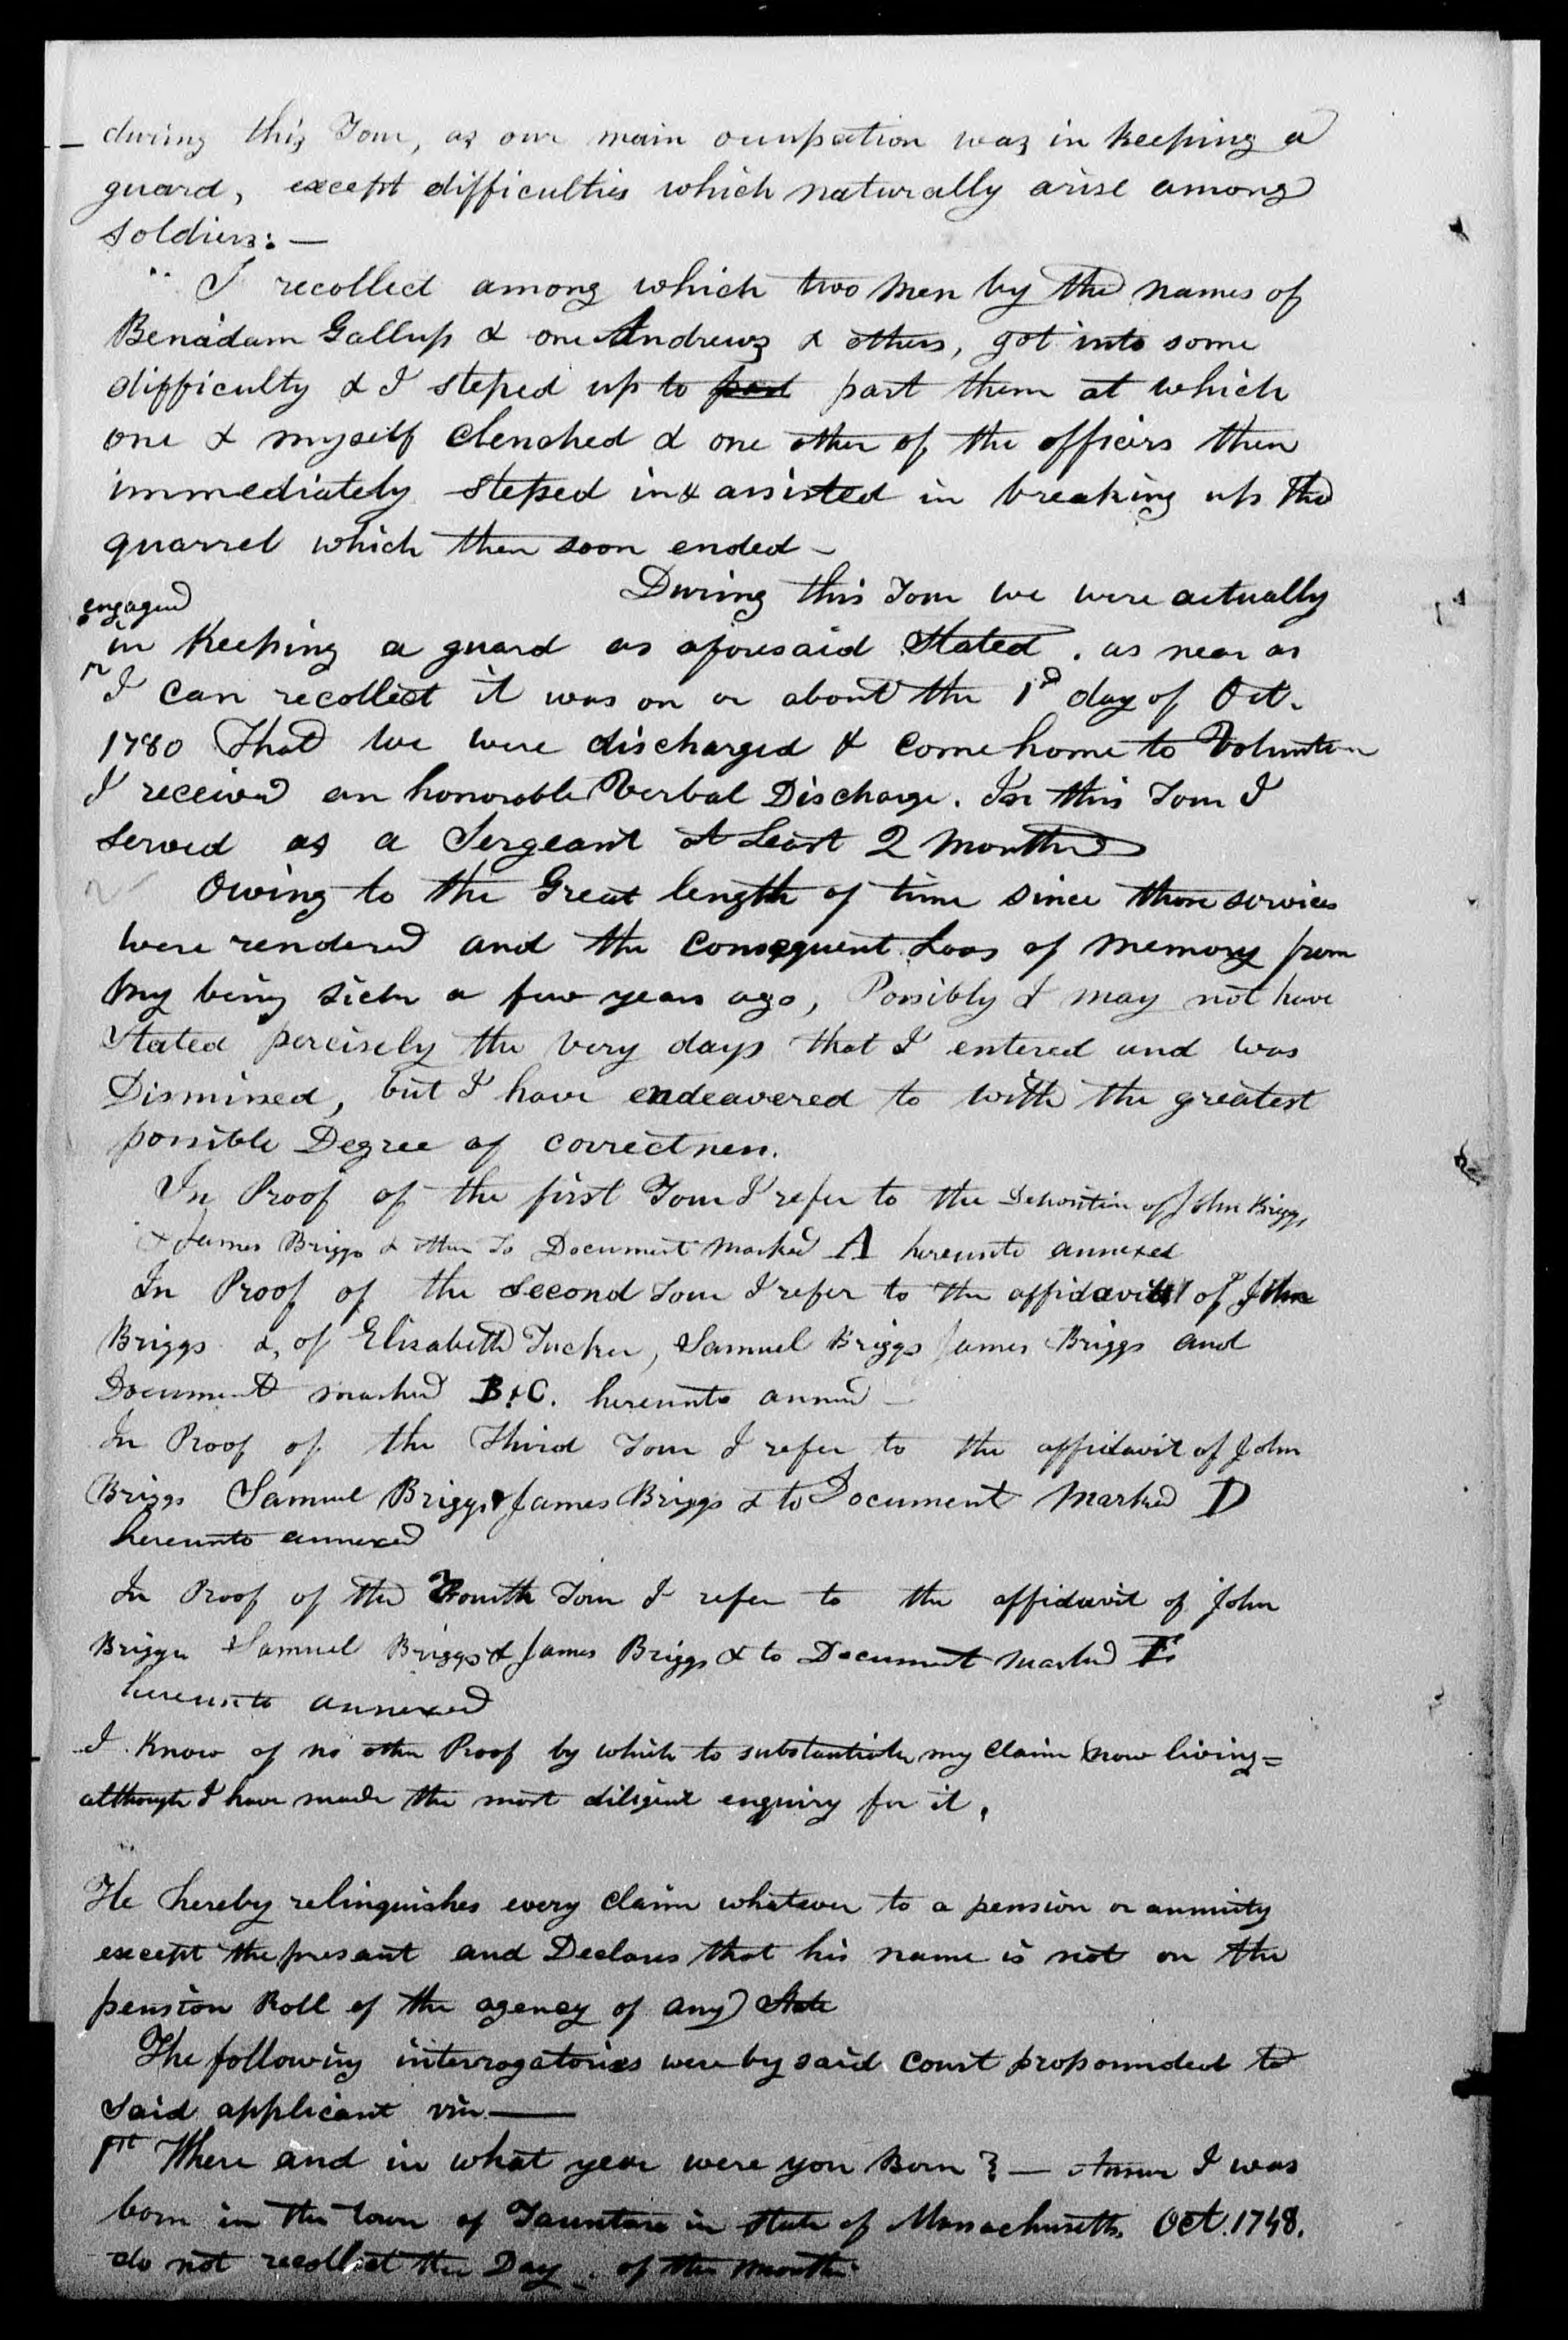_ during this Tour, as our main occupation was in keeping a guard, except difficulties which naturally arise among Soldiers. - 

I recollect among which two men by the names of Benadam Gallup & one Andrews & others, got into some difficulty & I steped up to part them at which one & myself clenched & one other of the officers then immediately steped in & assisted in breaking up the quarrel which then soon ended. 

During this Tour we were actually engaged in keeping a guard as aforesaid Stated. as near as I can recollect it was on or about the 1st day of Oct. 1780 That we were discharged & come home to Voluntown I received an honorable verbal Discharge. In this Tour I served as a Sergeant at least 2 months.

Owing to the Great length of time since these services were rendered and the consequent loss of memory from my being sick a few years ago, Possibly I may not have Stated percisely the very days that I entered and was Dismissed, but I have endeavered to with the greatest possible Degree of correctness.

In Proof of the first Tour I refer to the Deposition of John Briggs James Briggs & others to Document marked A hereunto annexed 
In Proof of the Second Tour I refer to the affidavit of John Briggs & of Elizabeth Tucker, Samuel Briggs James Briggs and Document marked B & C. hereunto annexed. 
In Proof of the third Tour I refer to the affidavit of John Briggs Samuel Briggs & James Briggs & to Document marked D hereunto annexed 
In Proof of the Fourth Tour I refer to the affidavit of John Briggs Samuel Briggs & James Briggs & to Document marked E hereunto annexed 

I know of no other Proof by which to substantiate my claim now living _ although I have made the most diligent enquiry for it. 

He hereby relinquishes every claim whatever to a pension or annuity except the present and Declares that his name is not on the pension Roll of the agency of any State 
The following interrogatories were by said Court propounded to said applicant vis._ 
1st Where and in what year were you born? _ Answer I was born in the town of Taunton in State of Massachusetts, Oct. 1748. do not recollect the Day of the month.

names: John Briggs, John Briggs, John Briggs, Benadam Gallup, John Briggs, Samuel Briggs, James Briggs, James Briggs, Samuel Briggs, Elizabeth Tucker, James Briggs, James Briggs, Andrews, Samuel Briggs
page: 6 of 37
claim: survivor's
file: S. 12,281, William Briggs, Conn.